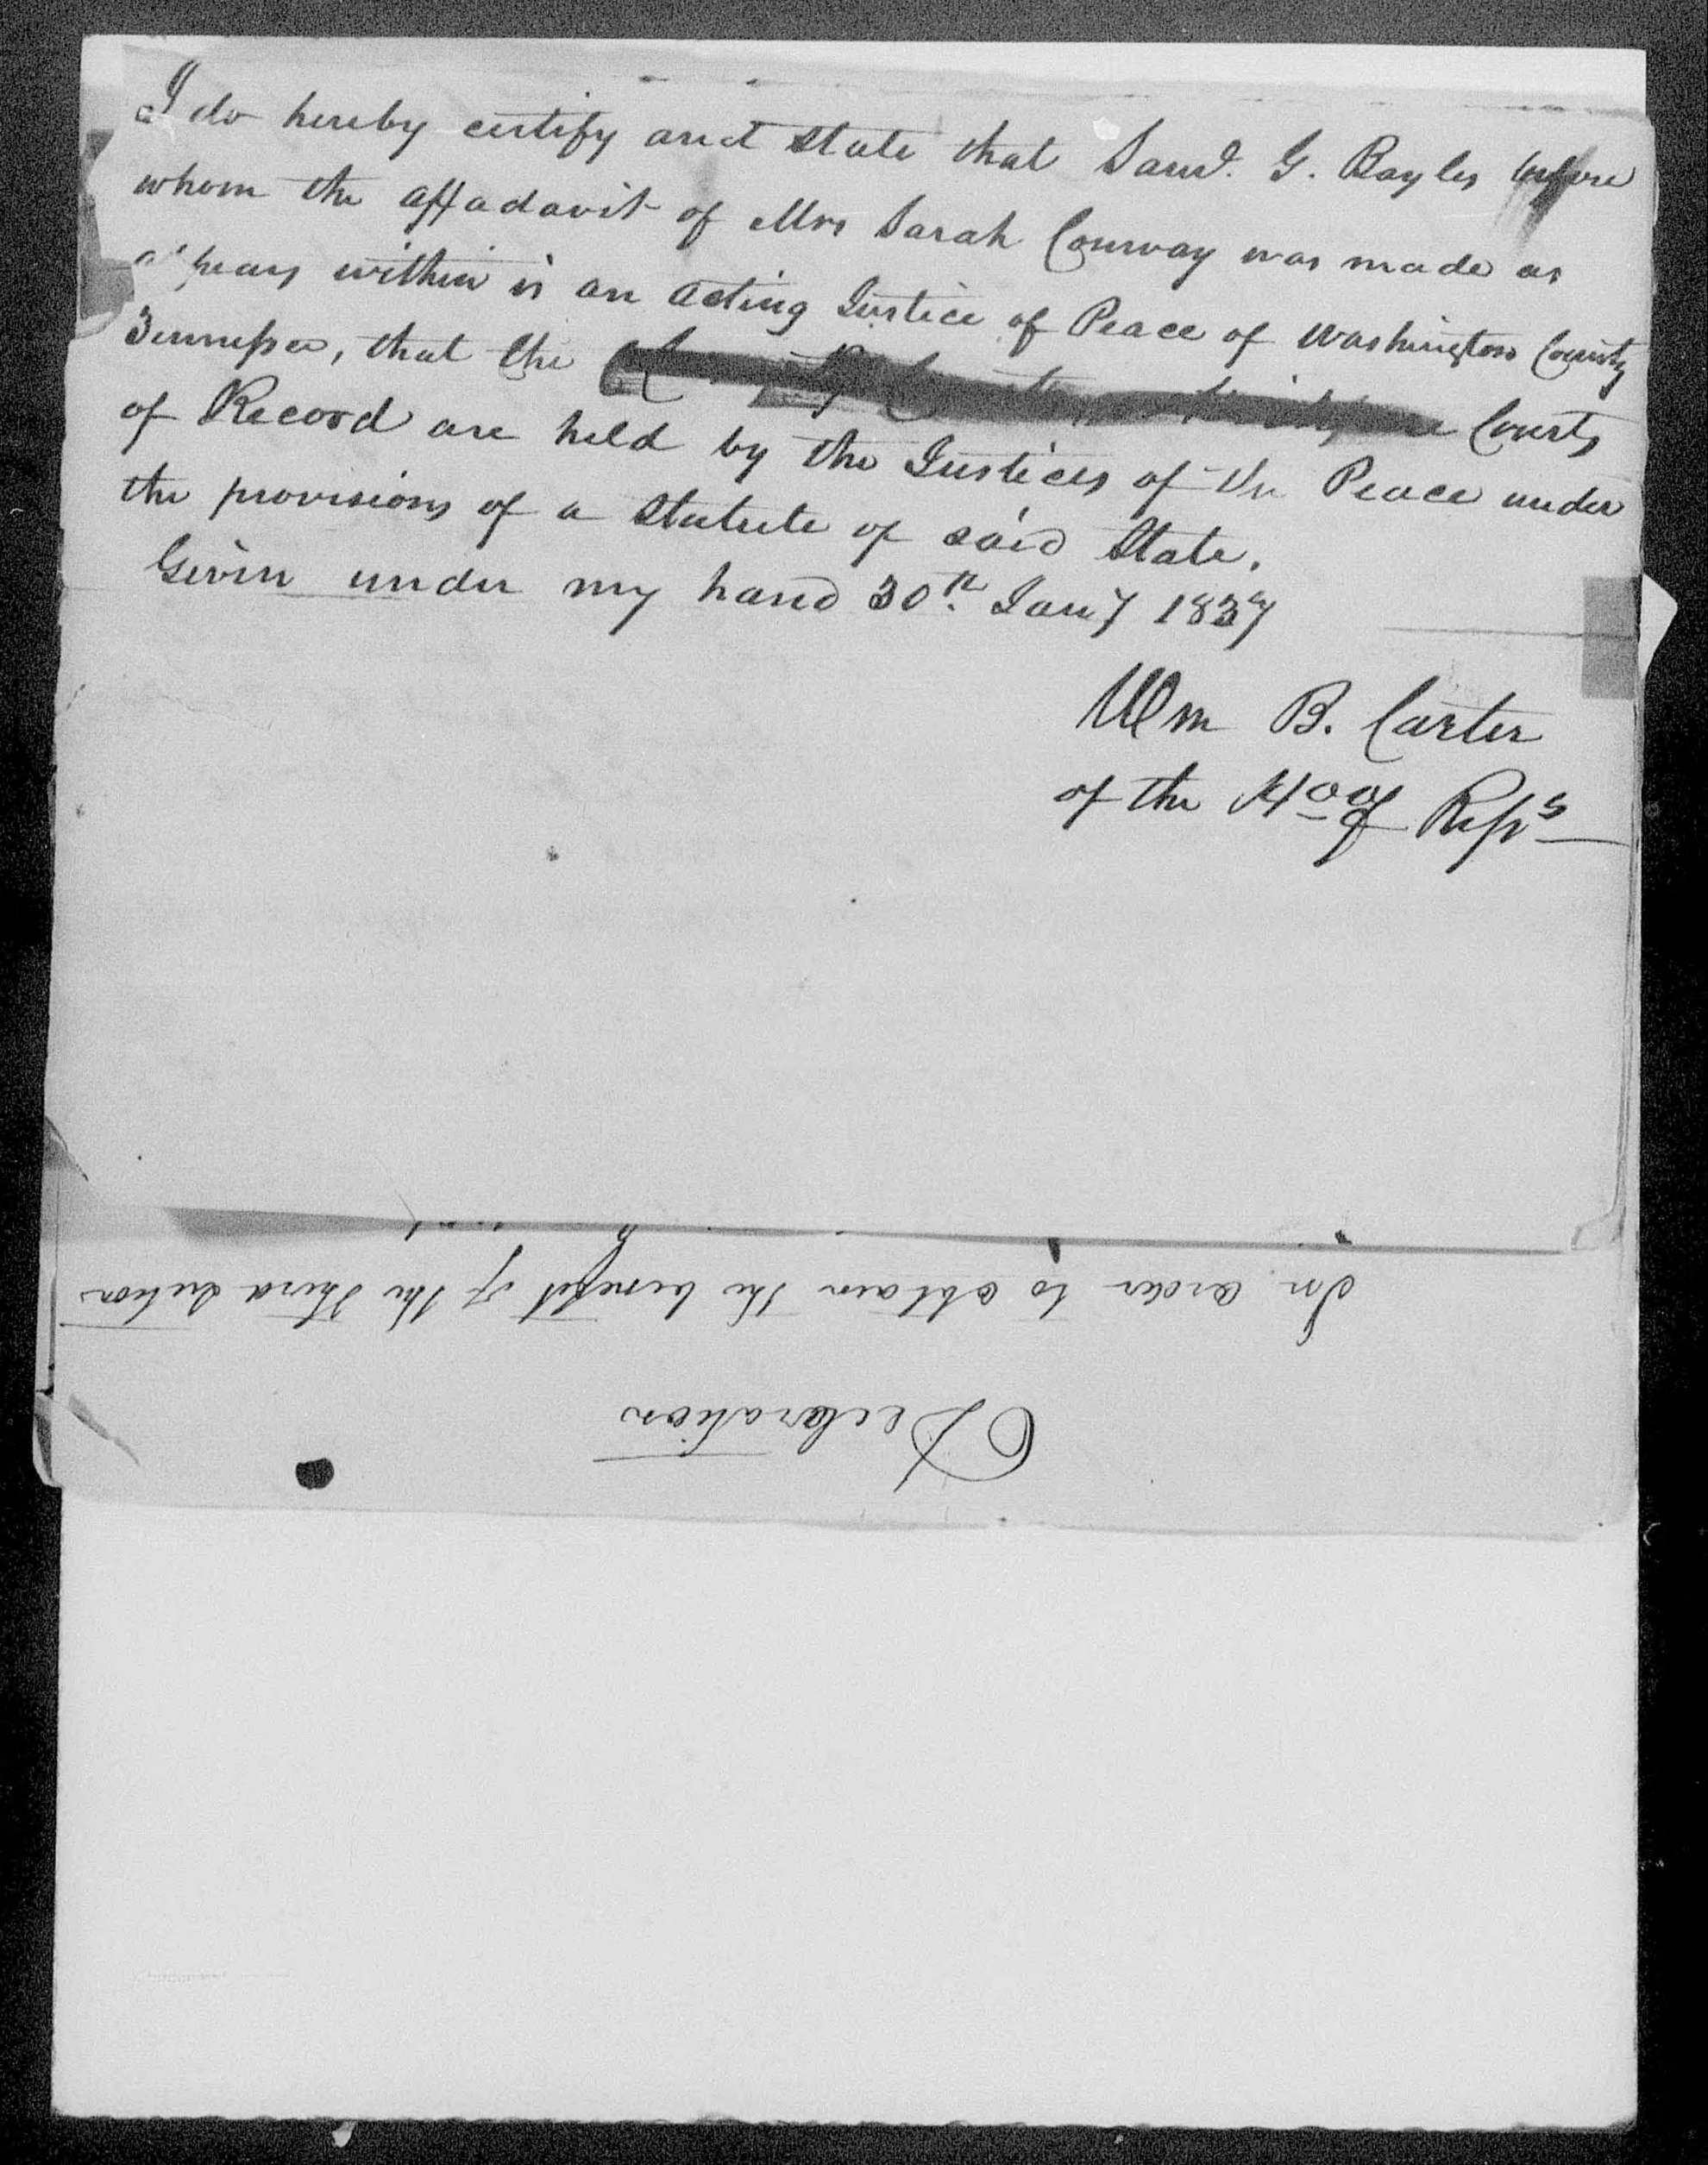I do hereby certify and state that Samuel B. Bayles whom the affidavit of Mrs. Sarah Conway was made as appears within is an acting Justice of Peace of Washington County Tennessee, that the (smear) Courts of Record are held by the Justices of the Peace under the provisions of a statute of said State.
Given under my hand 30th January 1837

William B. Carter
of the House of Representatives







Upside down

Declaration

In order to obtain the benefit of the House session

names: Saml G Bayles, Wm B Carter, Sarah Conway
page: 7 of 13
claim: widow's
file: W. 6,719, Henry Conway, Va.